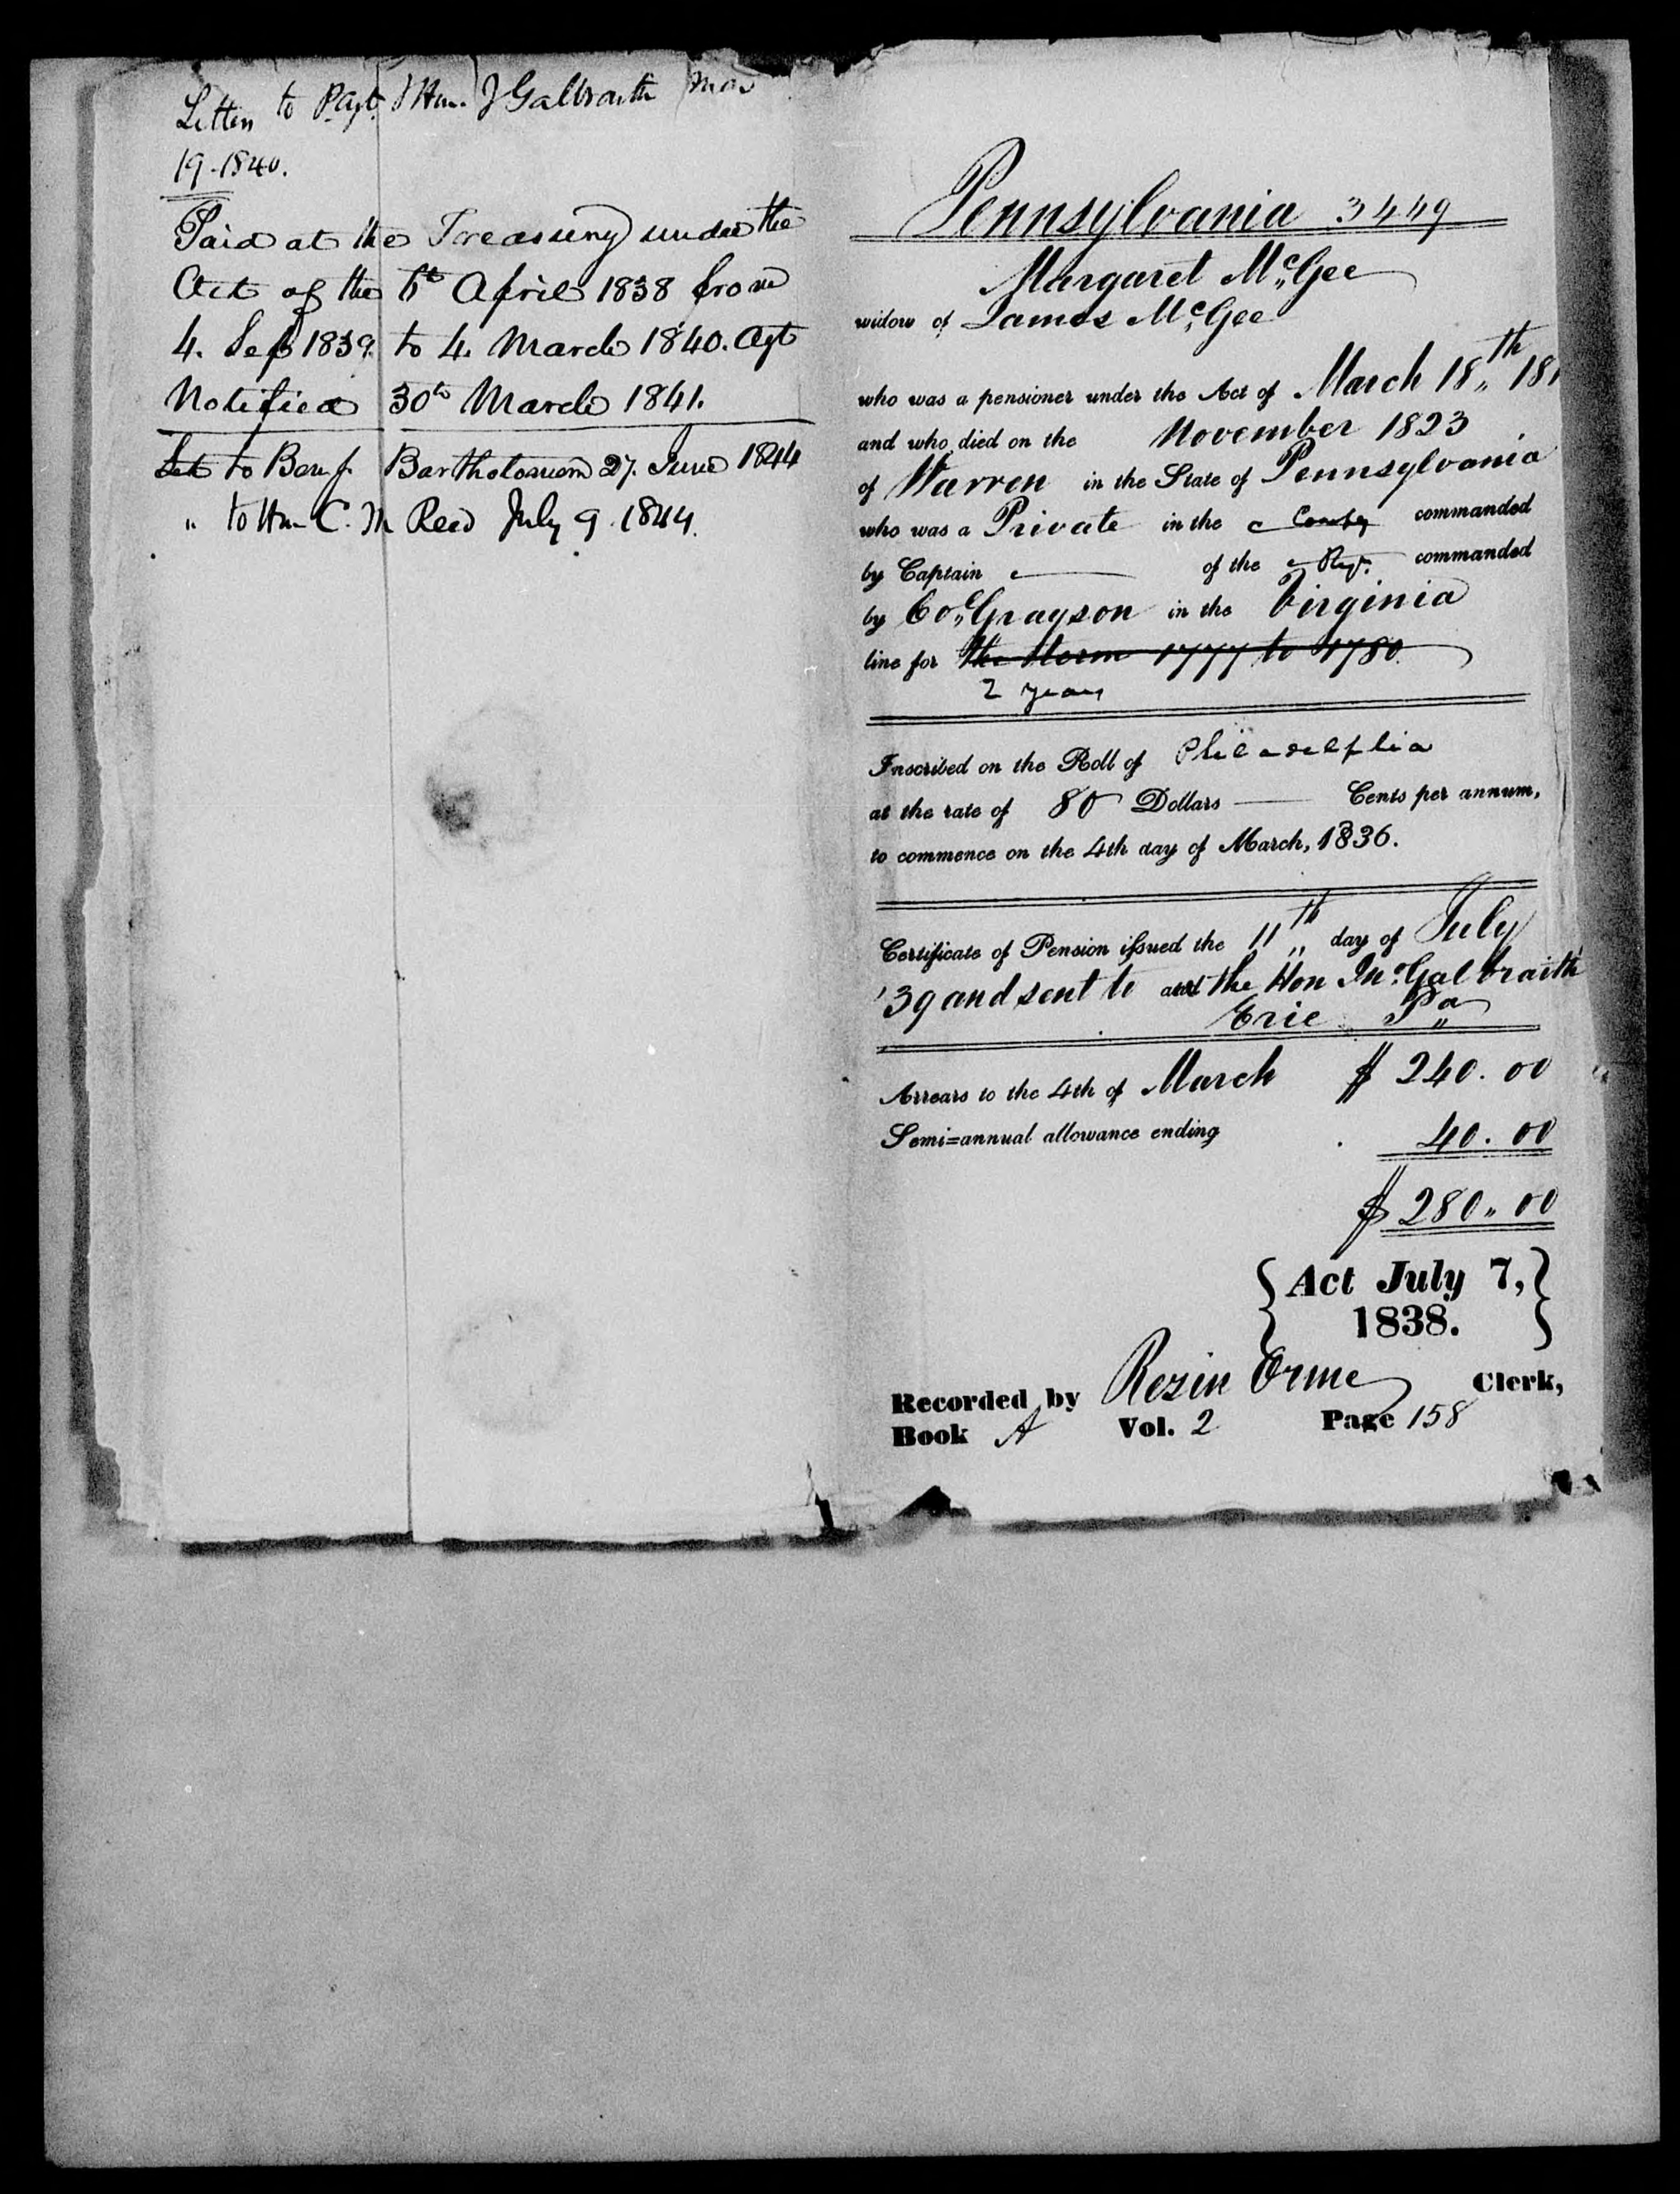Letter to P.agt. Hon. J Galbraith Mar
19 -1840
Paid at the Treasury under the
Act of the 6th April 1838 from
4 Sep 1839 to 4 March 1840. Agt
notified 30th March 1841.
Let to Ben J Bartholomew 27 June 1844
" to Hon. C. M Reed July 9 1849

Pennsylvania 3449
Margaret McGee
widow of James McGee
who was a pensioner under the Act of March 18th 1818
and who died on the November 1823
of Warren in the State of Pennsylvania
who was a Private in the compy commanded
by Col. Grayson in the Virginia
line for 2 years

Inscribed on the Roll of Philadelphia 
at the rate of 80 Dollars - Cents per annum
to commence on the 4th day of March 1836.

Certificate of Pension issued 11th day of July
'39 and sent to attn the Hon. J. Galbraith
Erie Pa

Arrears to the 4th of March     $240.00
Semi-annual allowance ending   40.00
                                                  $280.00

{Act July 7,}
{ 1838. }

Recorded by Resin Orme Clerk,
Book A Vol. 2 Page 158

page: 19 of 77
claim: widow's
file: W 2954, for James Mc Gee, Delaware